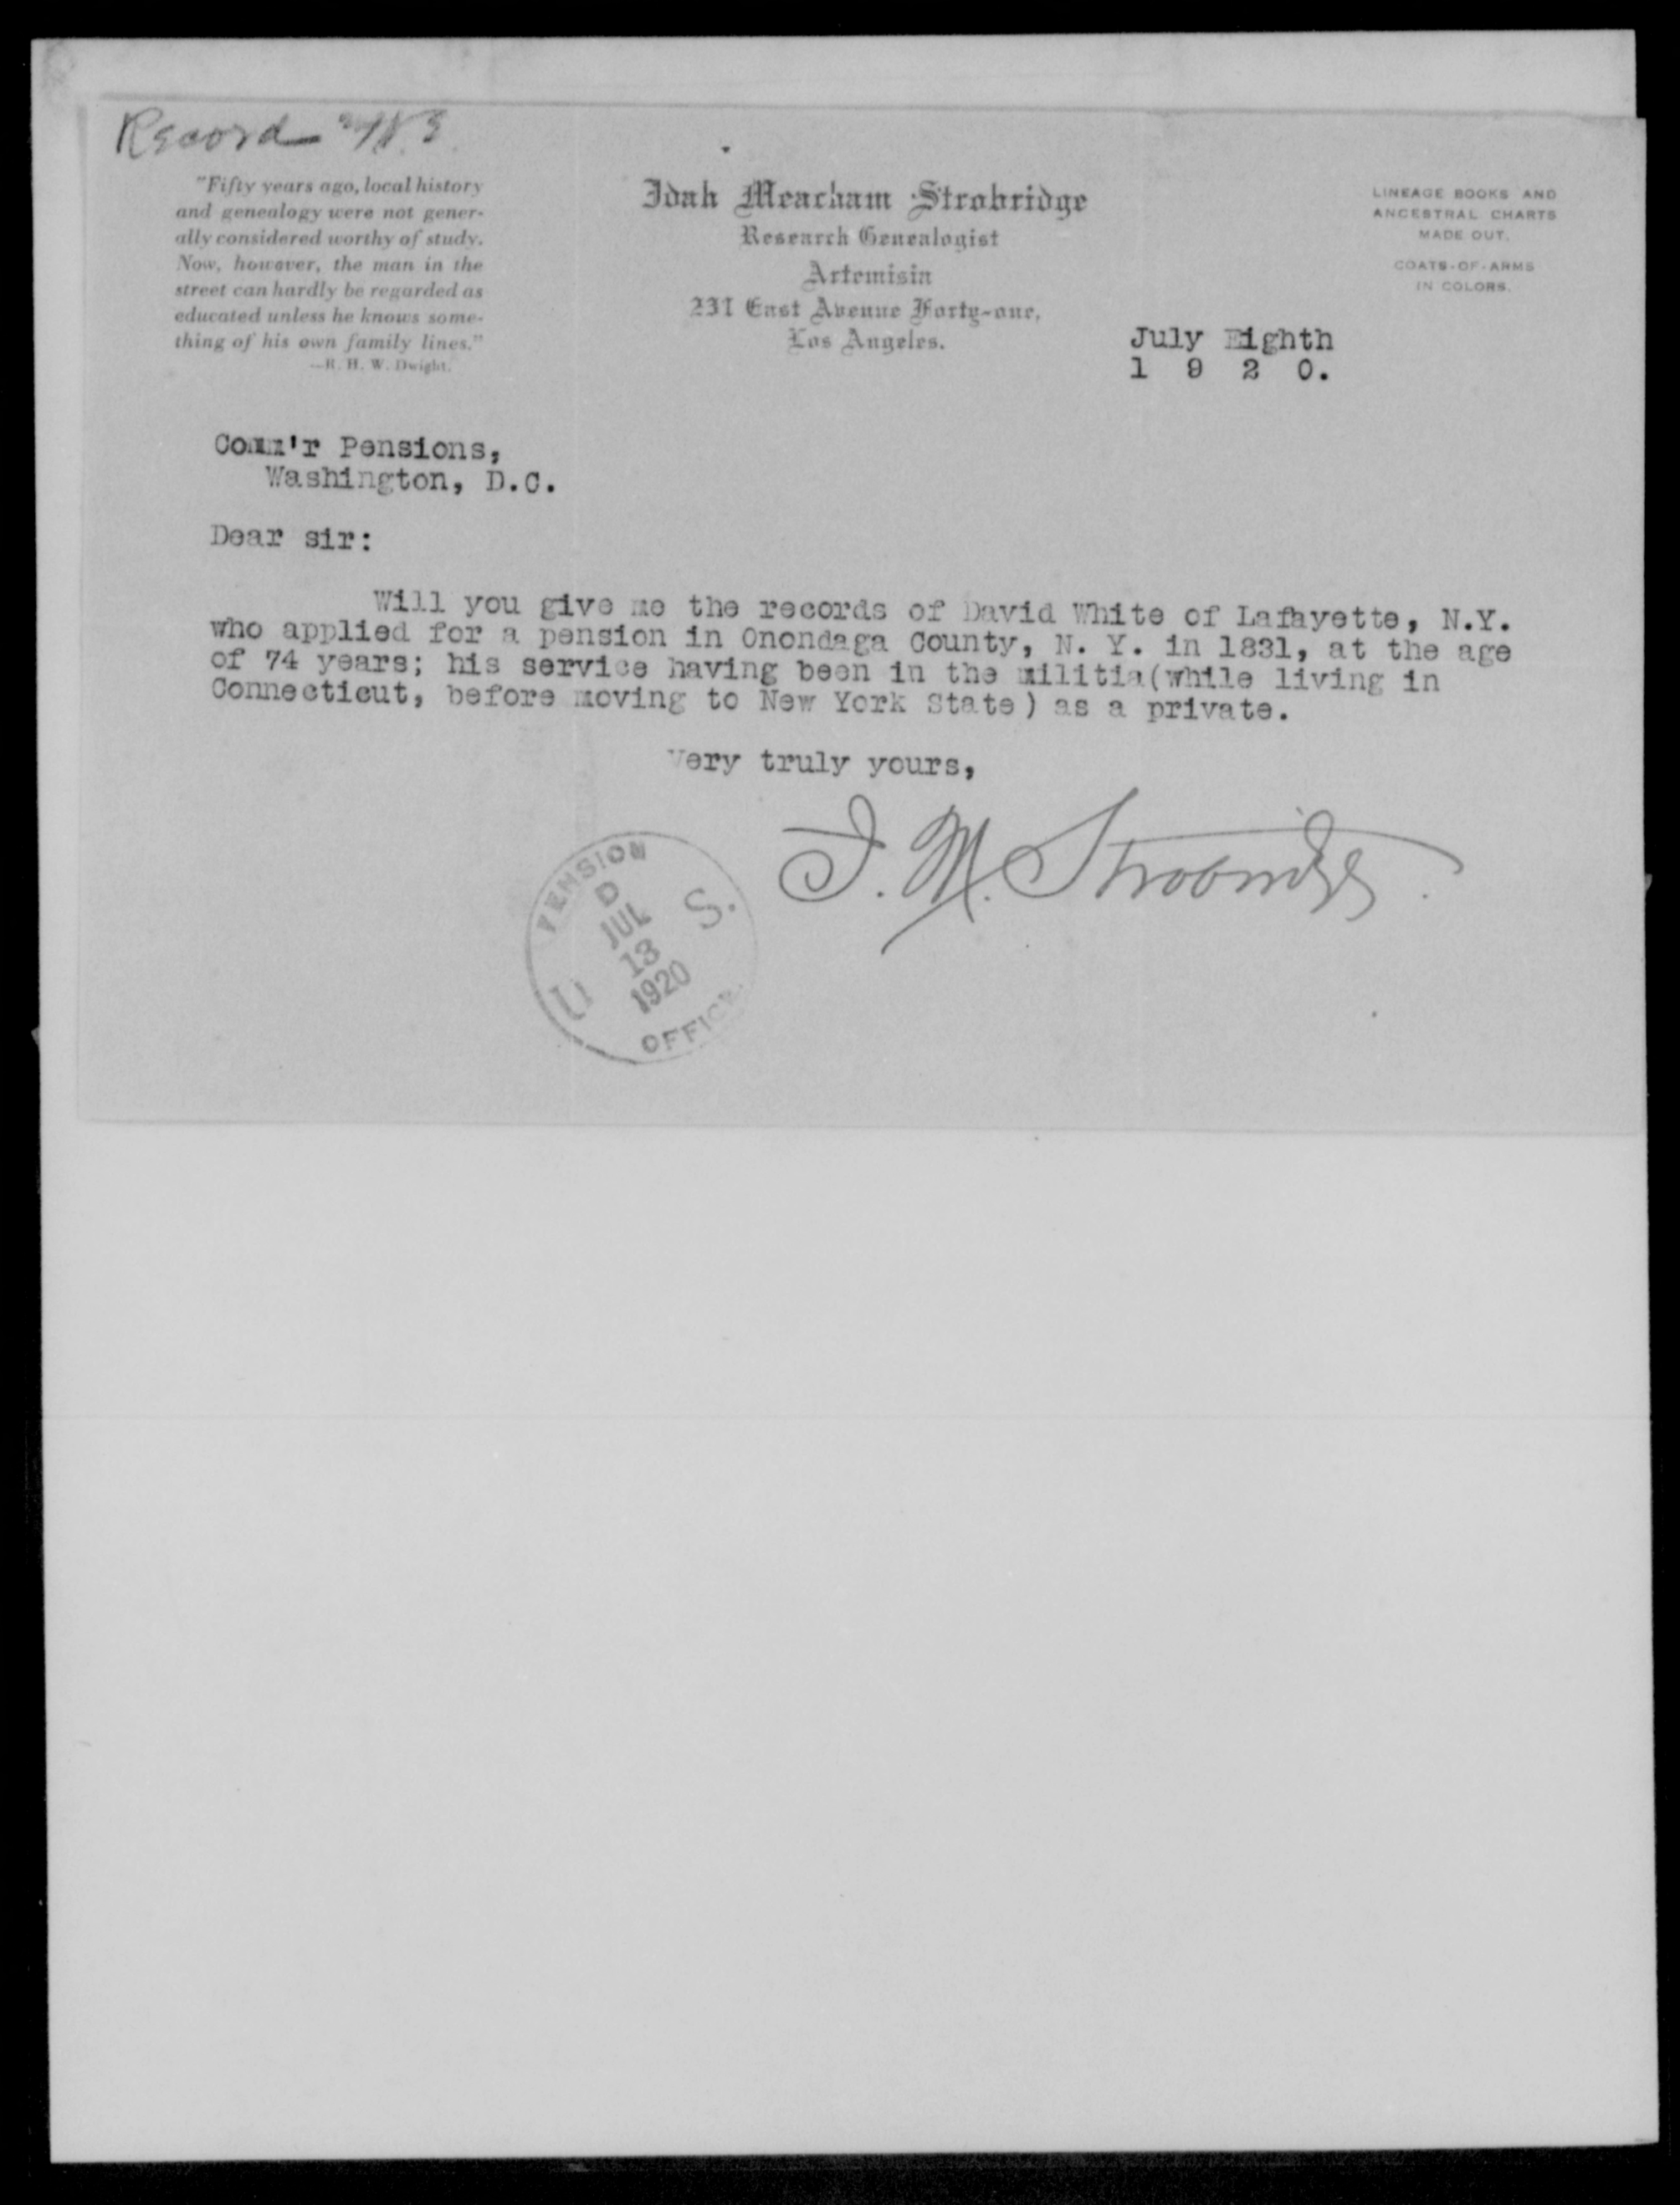Record 783

"Fifty years ago, local history and geneology were not generally considered worthy of study. Now, however, the man in the street can hardly be regarded as educated unless he knows something of his own family lines."
--R.H.W. Dwight.

Jdah Meacham Strobridge
Research Geneologist
Artemisia
231 East Avenue Forty-one,
Los Angeles

LINEAGE BOOKS AND ANCESTRAL CHARTS MADE OUT. COATS-OF-ARMS IN COLORS.

July Eighth 1920.

Comm'r Pensions,
Washington, D.C.

Dear sir:

Will you give me the records of David White of Lafayette, N.Y., who applied for a pension in Onondaga County, N.Y. in 1831, at the age of 74 years; his service having been in the militia (while living in Connecticut, before moving to New York State) as a private.

Very truly yours,

J.M. Strobridge

[Postmark] PENSION OFFICE D JUL 13 1920 U.S.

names: J M Strobridge, David White, H W Dwight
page: 37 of 63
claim: widow's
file: W. 18403, David White, Conn.